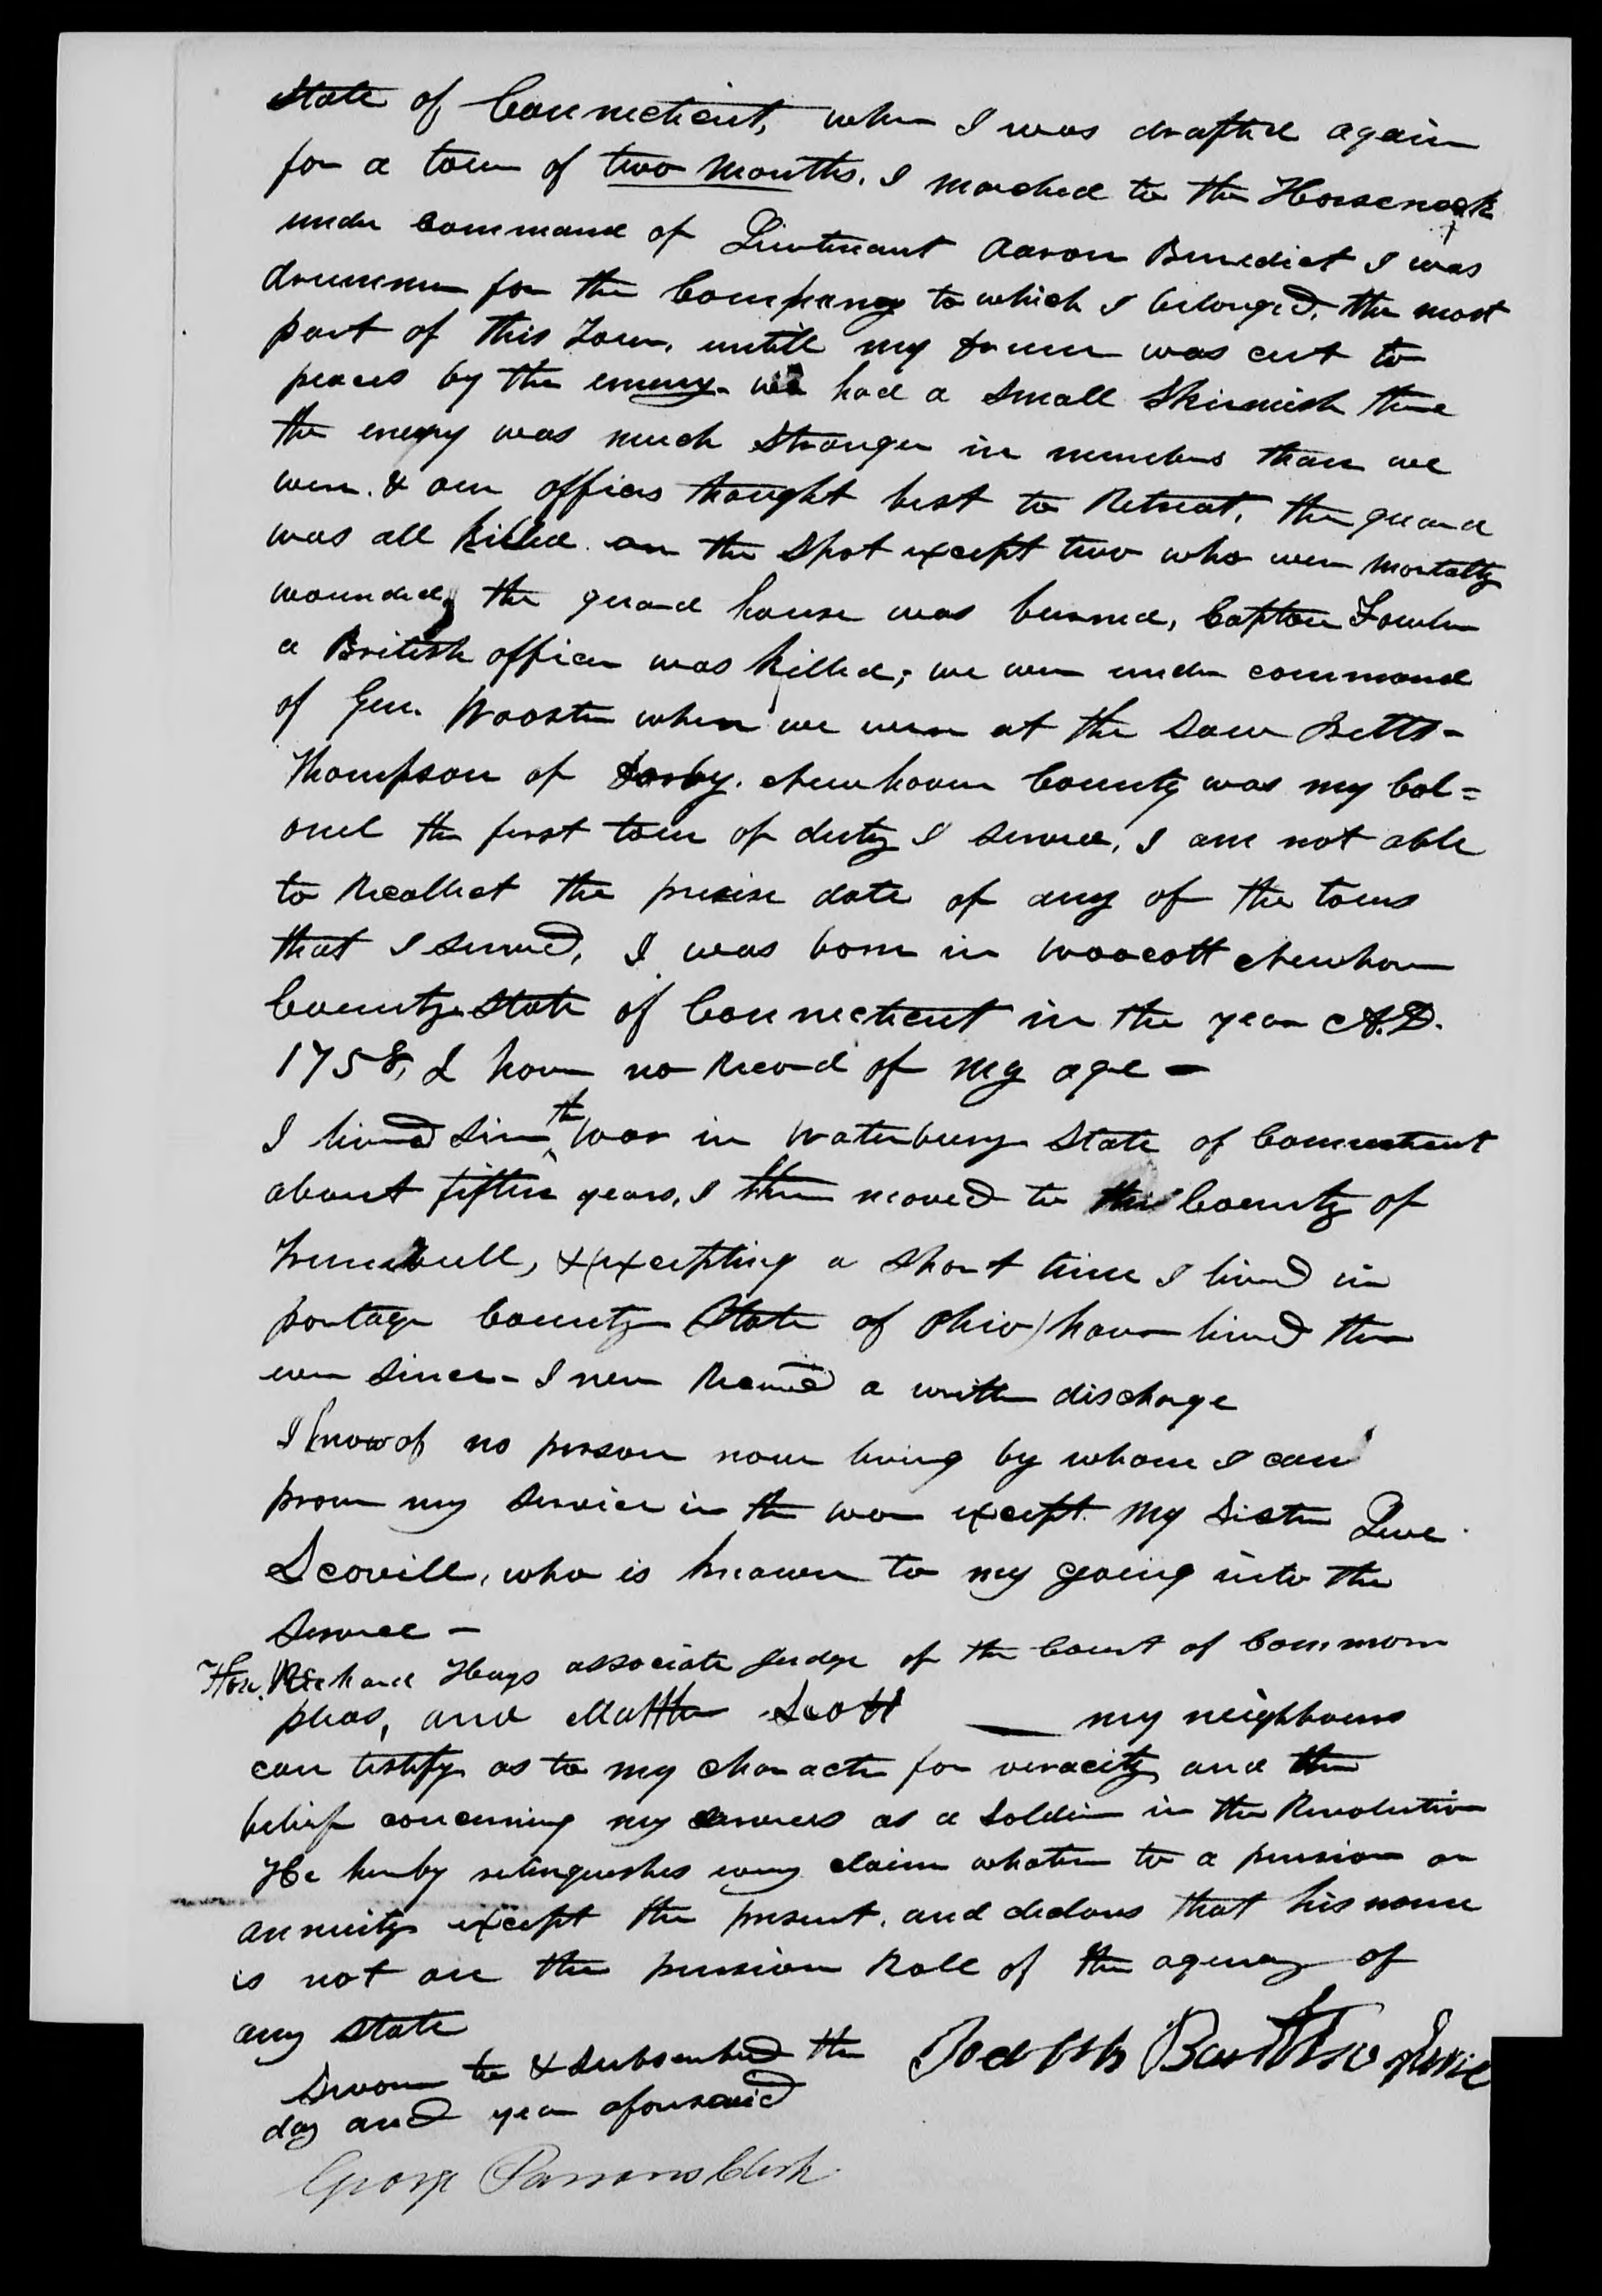State of Connecticut, when I was drafted again for a tour of two months. I marched to the Horseneck under command of Lieutenant Aaron Benedict I was drummer for the company to which I belonged, the most
part of this tour, untill my [illegible] was cut to
peaces [pieces] by the enemy.  We had a small skirmish there the enemy was much stronger in numbers that we were & our officers thought best to retreat. The guard
was all killed on the spot except two who were mortally wounded the guard house was burned, Captain Fowler a British officer was killed; we were under command of Gen Wooster when we were at the Saw Pitts - 
Thompson of Darby Newhaven County was my Colonel the first tour of duty I served, I am not able to recollect the precise date of any of the tours that I served.  I was born in Wolcott Newhaven County State of Connecticut in the year A.D. 1758, I have no record of my age-

I lived [illegible] the war in Waterbury State of Connecticut about fifteen years, I then moved to the County of Trumbull, & excepting a short time I lived in Portage County State of Ohio, have lied there ever since.  I never [illegible] a written discharge.

I know of no person now living by whom I can prove my service in the war except my sister [illegible] Scovill, who is known to my going into the service.

Hon Richard Hays associate Judge of the Court of Common Pleas and Matthew Scott
my neighbours can testify as to my character for veracity and the belief concerning my answers as a soldier in the Revolution.
He hereby relinquishes every claim whatever to a pension or annuity except the present, and declares that his name is not on the pension Roll of the agency of any State

[signed] Joseph Bartholomew

Sworn to & subscribed the
day and year aforesaid
George Parsons Clerk [signature]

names: Fawler, Wooster, Joseph Bartholomew, George Parsons, Aaron Benedict, Matthew Scott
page: 10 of 76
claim: widow's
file: W. 9345, Joseph Bartholomew, Conn.